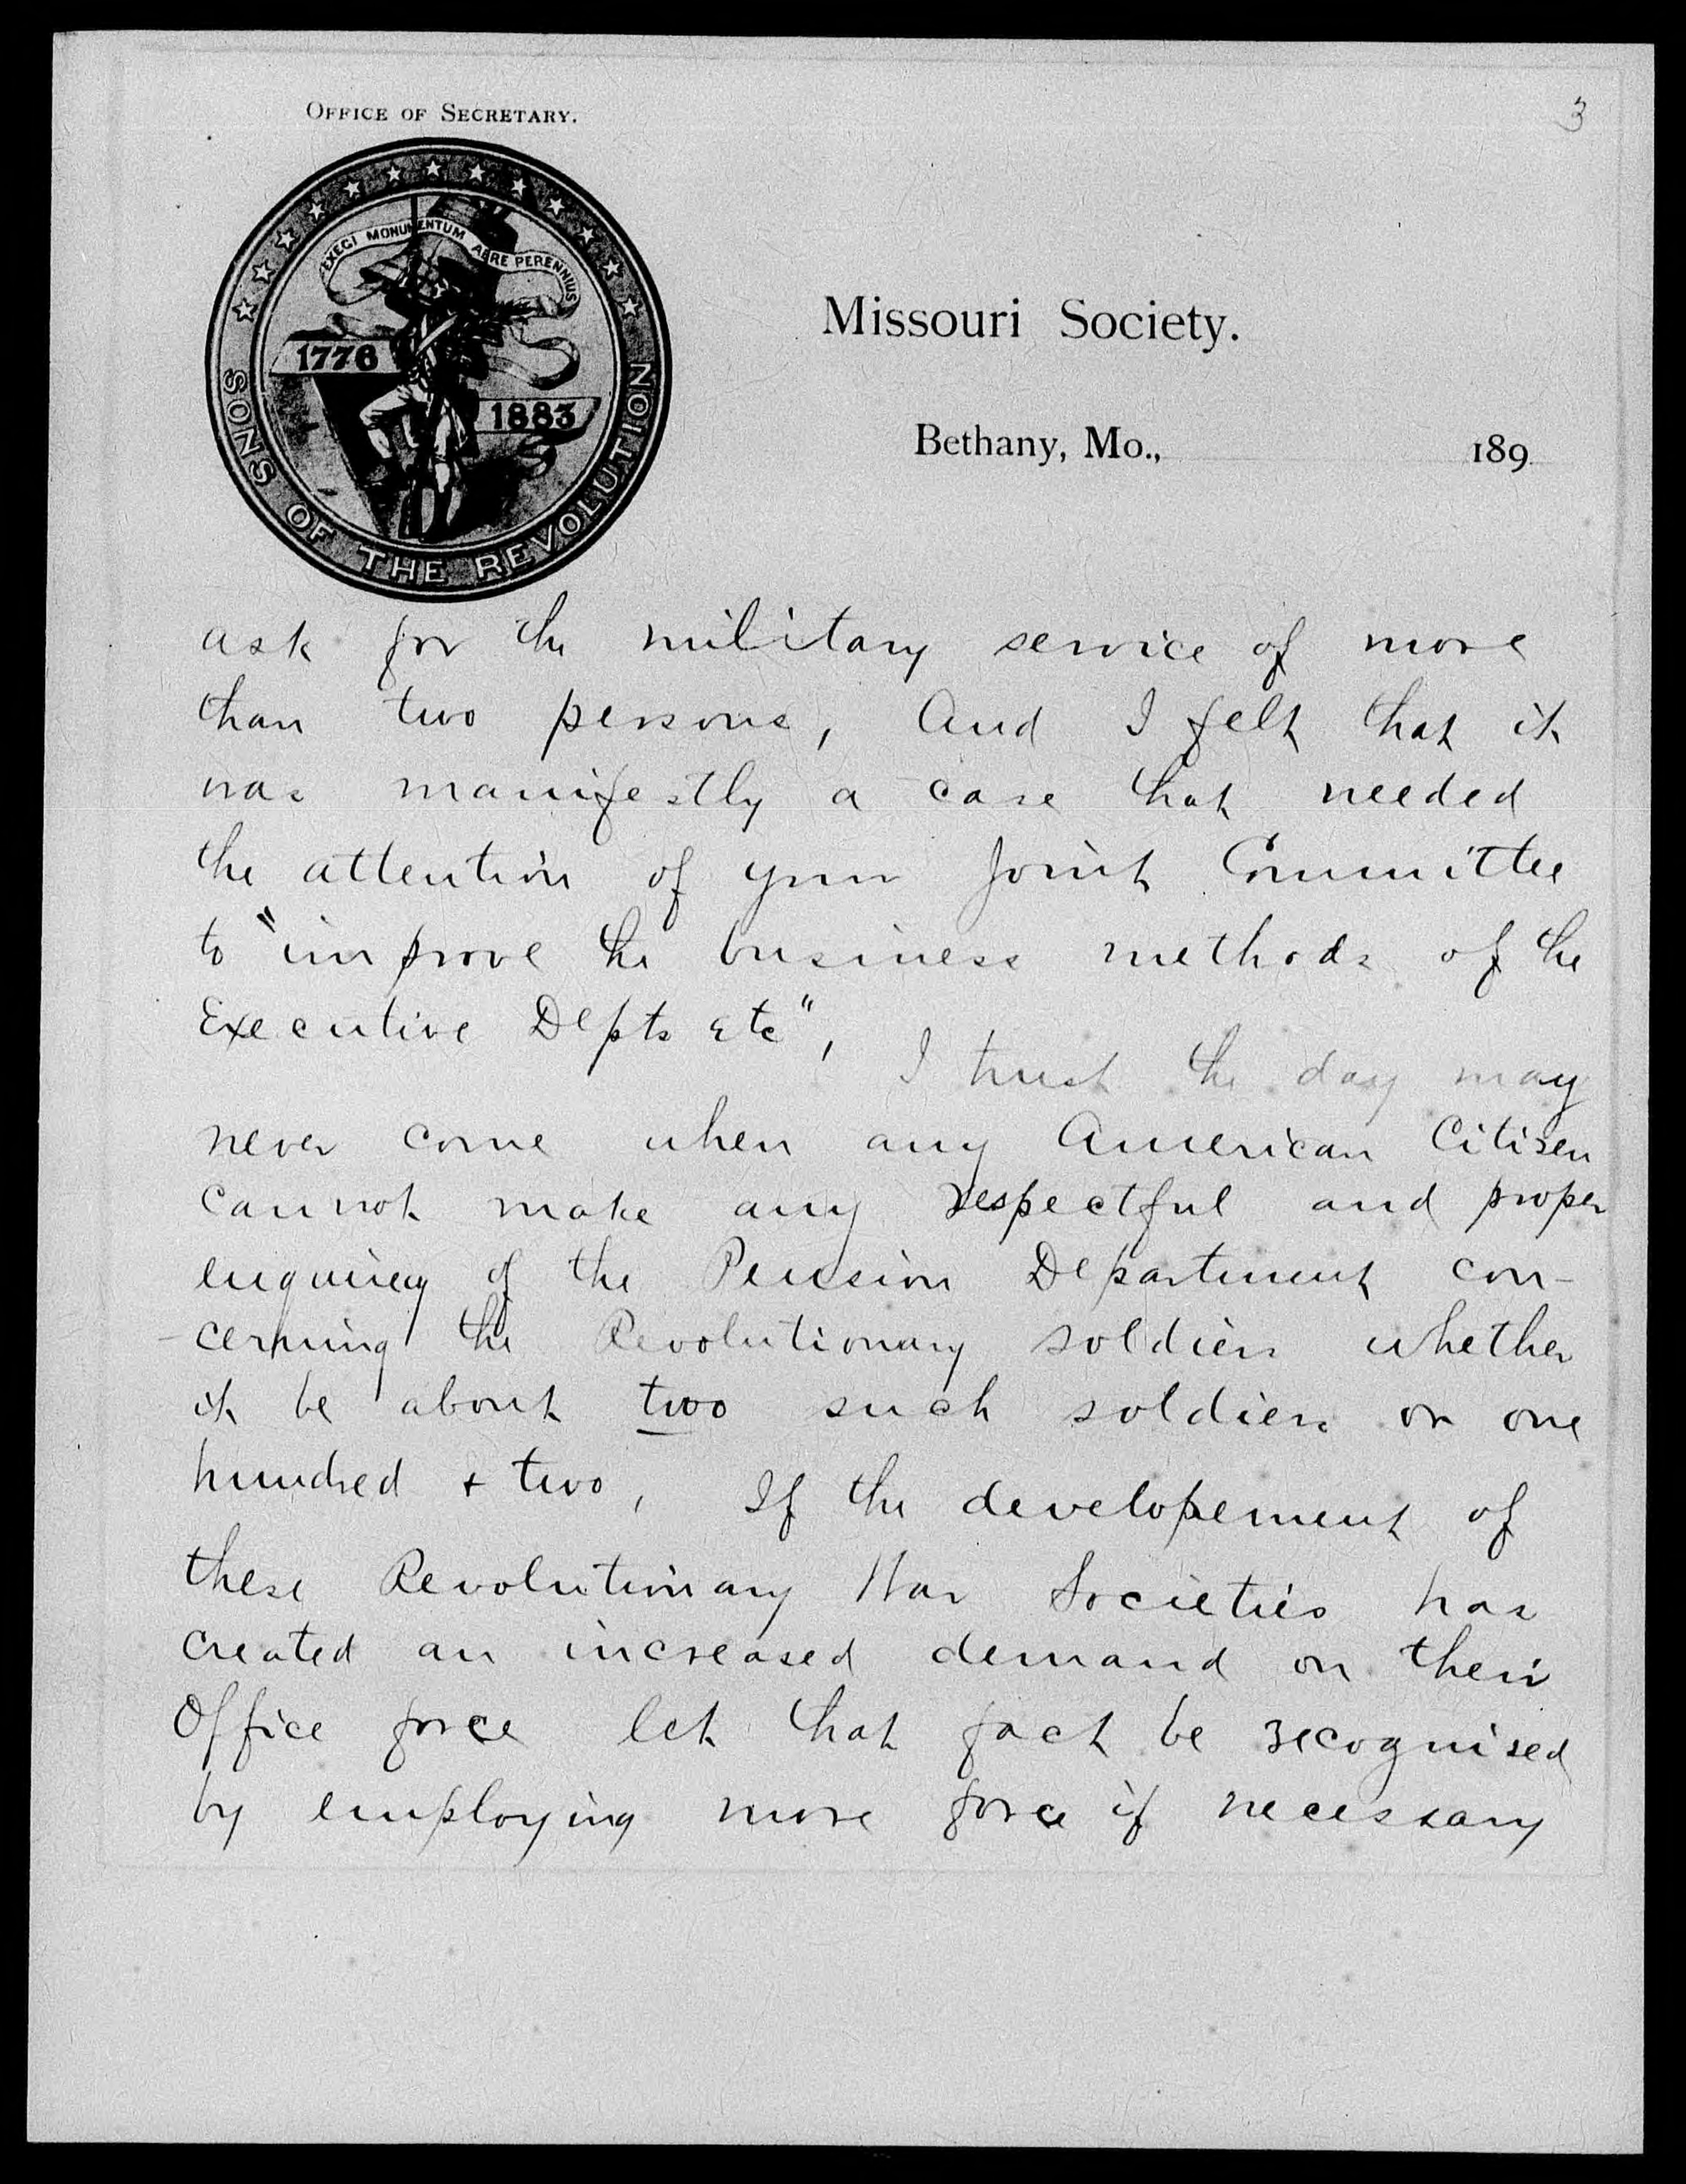Office of Secretary
[seal] SONS OF THE REVOLUTION 1776 1883
Missouri Society. Bethany, Mo., ---  189

ask for the military service of more than two pensioners, And I felt that it was manifestly a case that needed the attention of your Joint Committee to "improve the business methods of the Executive Depts etc.," I trust the day may never come when any American Citizen cannot make any respectful and proper enquiry of the Pension Department concerning the Revolutionary soldiers whether it be about two such soldiers or one hundred & two. If the development of the Revolutionary War Societies has created an increase demand on their office force let that fact be recognized by employing more force if necessary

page: 32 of 53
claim: widow's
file: W. 492, for Daniel Lamprey, New Hampshire